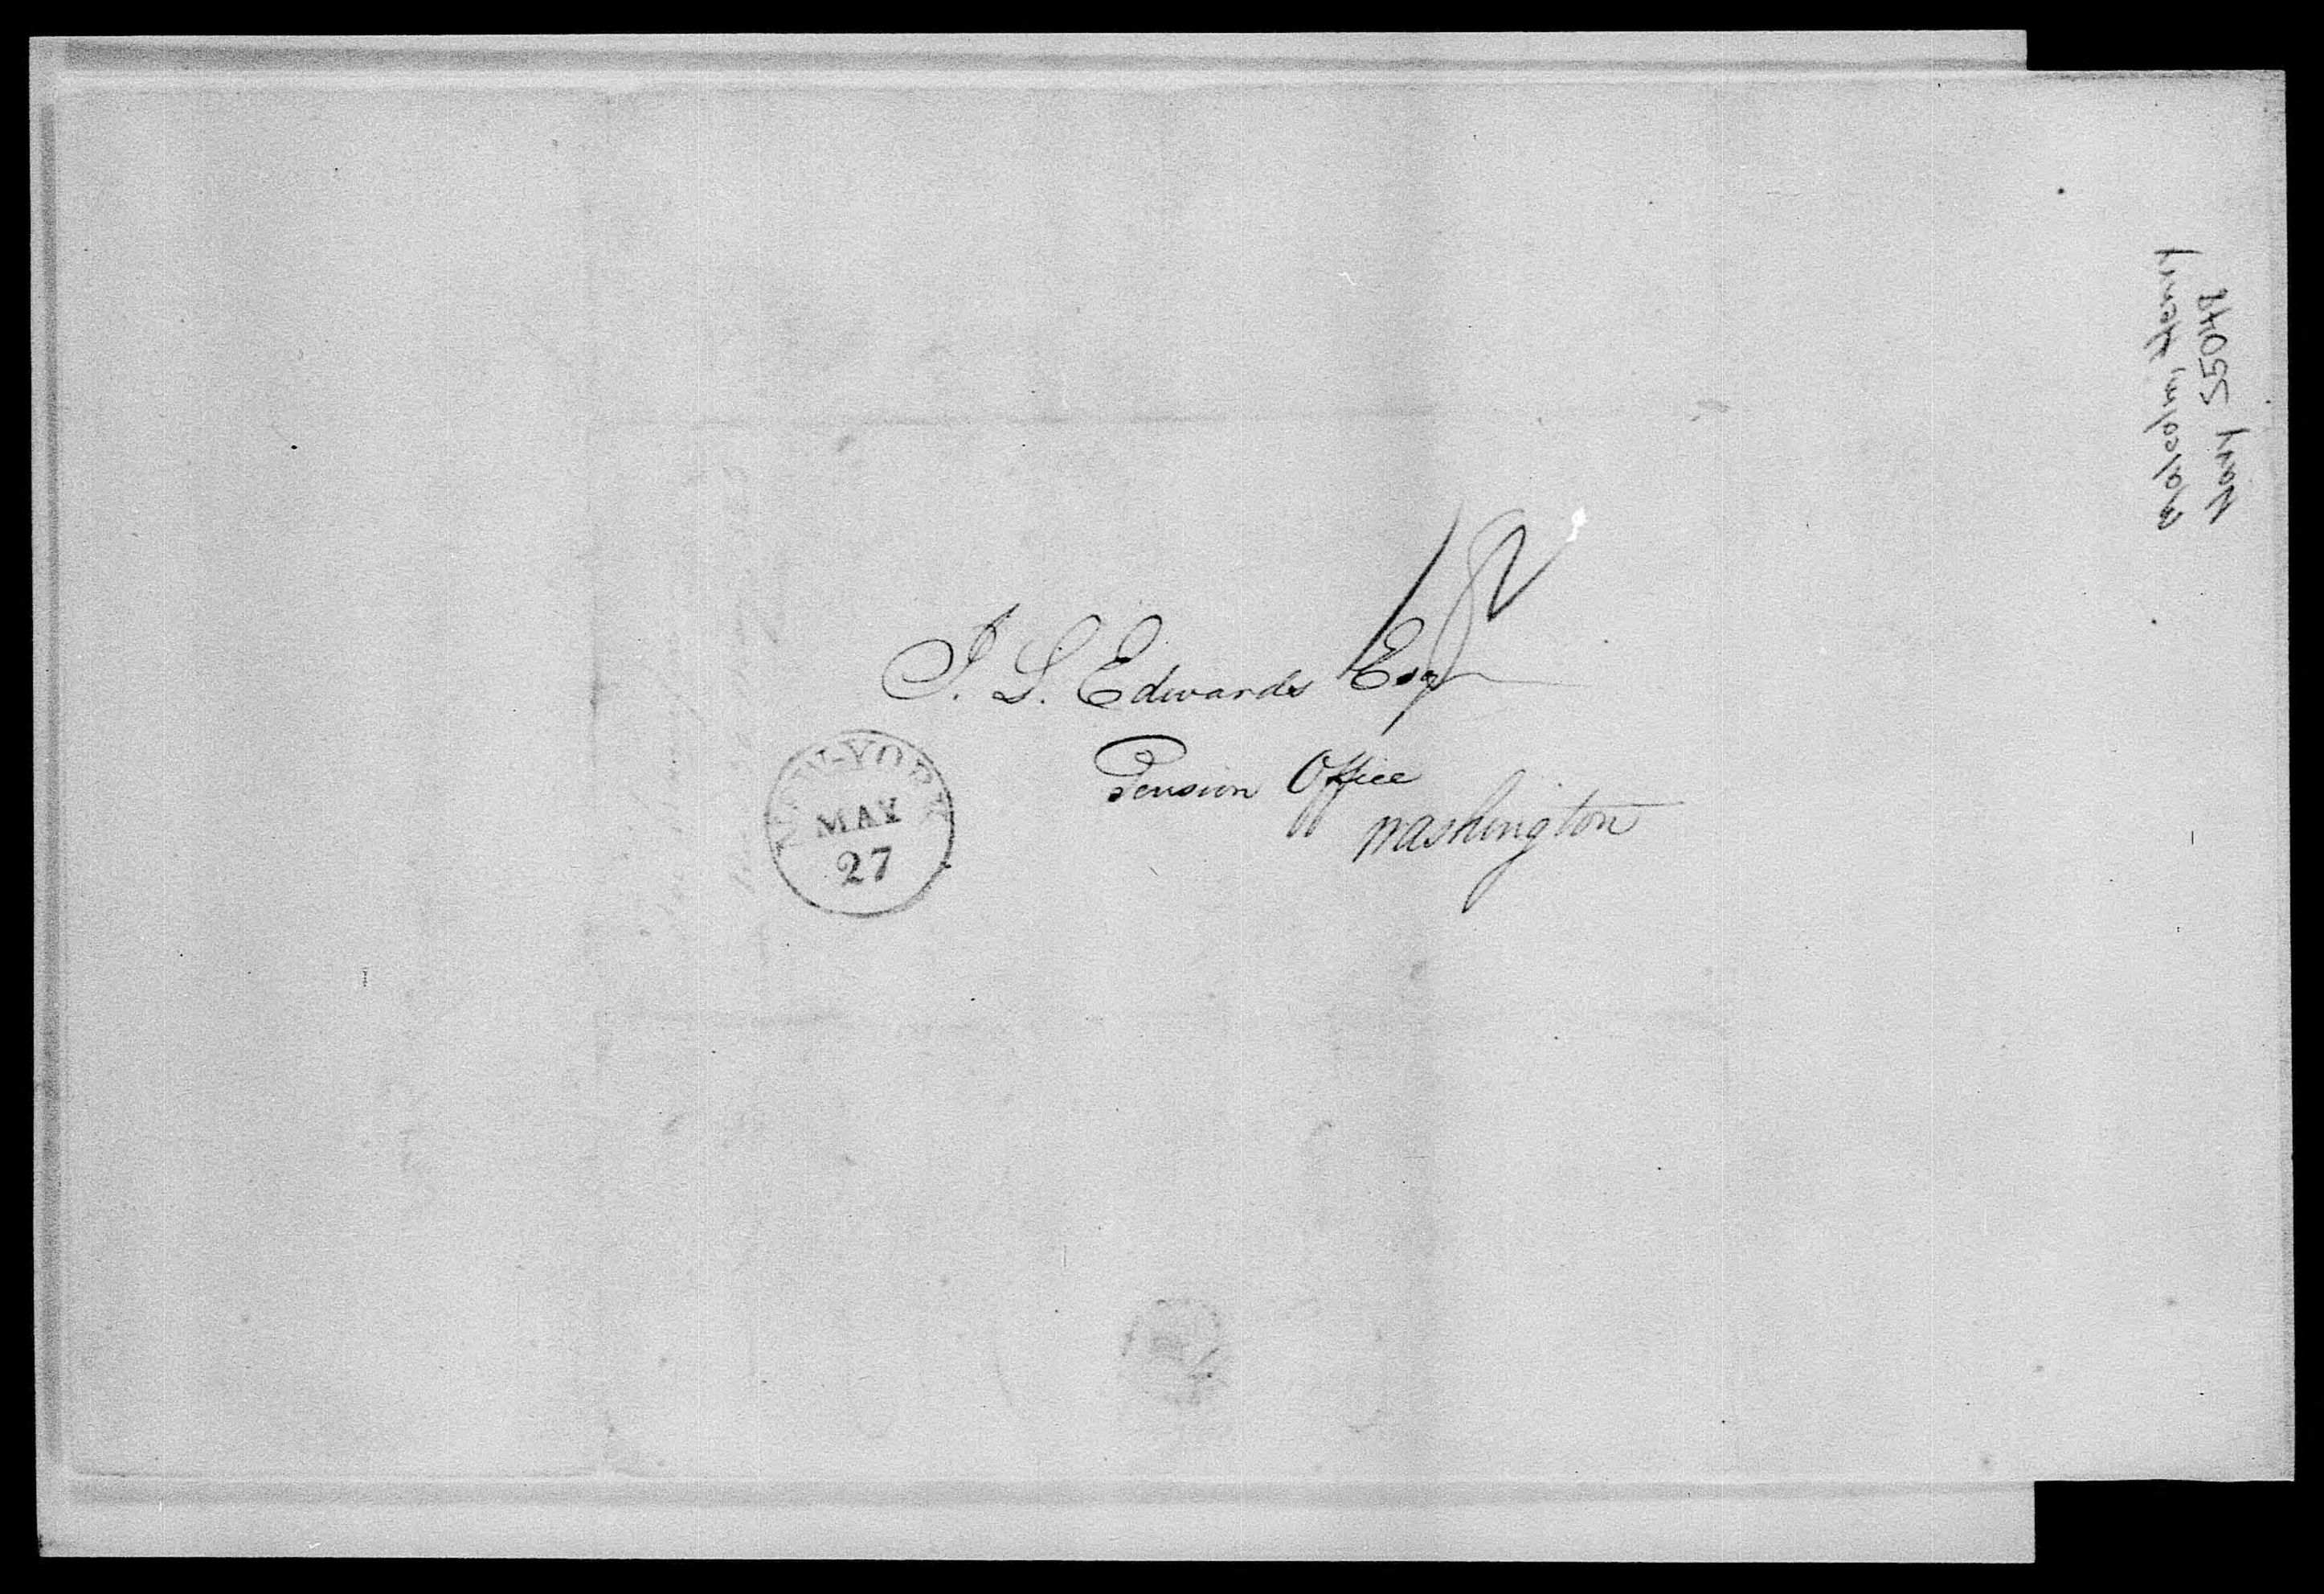J.L. Edwards Esqr 
Pension Office
Washington
[round stamp NEW YORK MAY 27]
Malcolm, Henry
Navy 55048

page: 3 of 28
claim: survivor's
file: S. 5,048, for Henry Malcolm